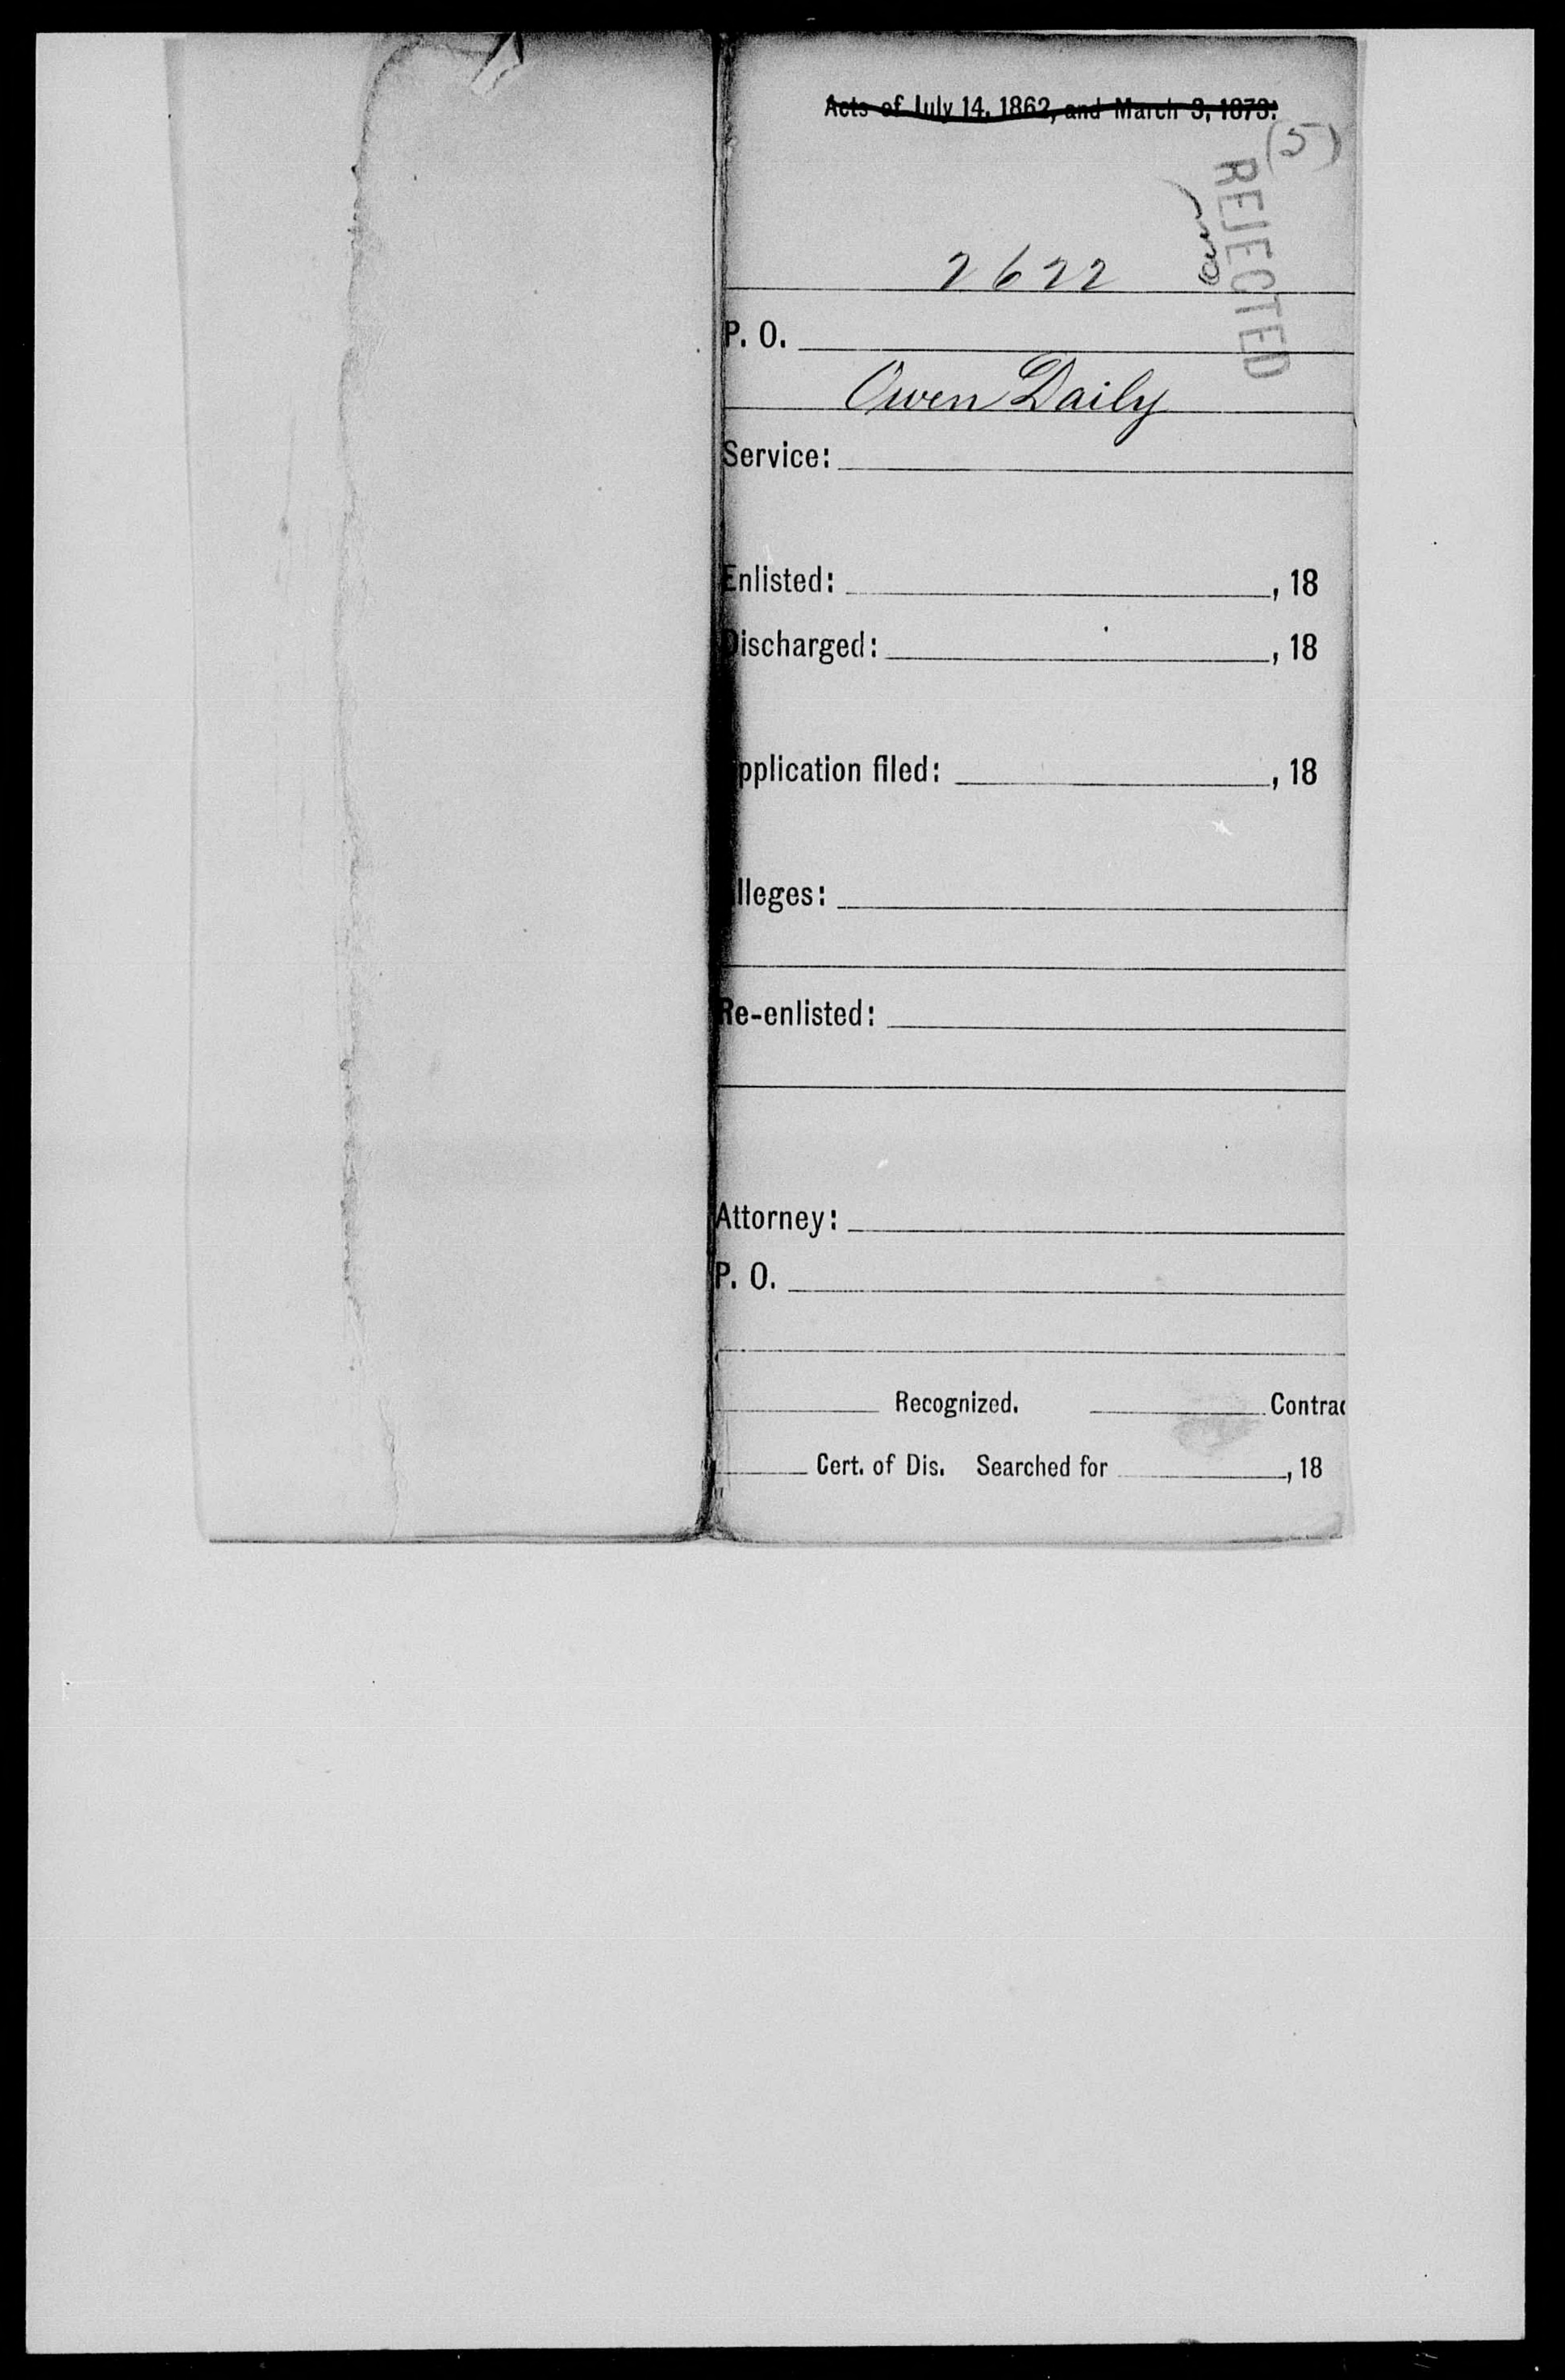(5)
REJECTED 
2622
Owen Dailey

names: Owen Daily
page: 12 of 13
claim: rejected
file: R. 2,622, Owen Dailey, S.C.